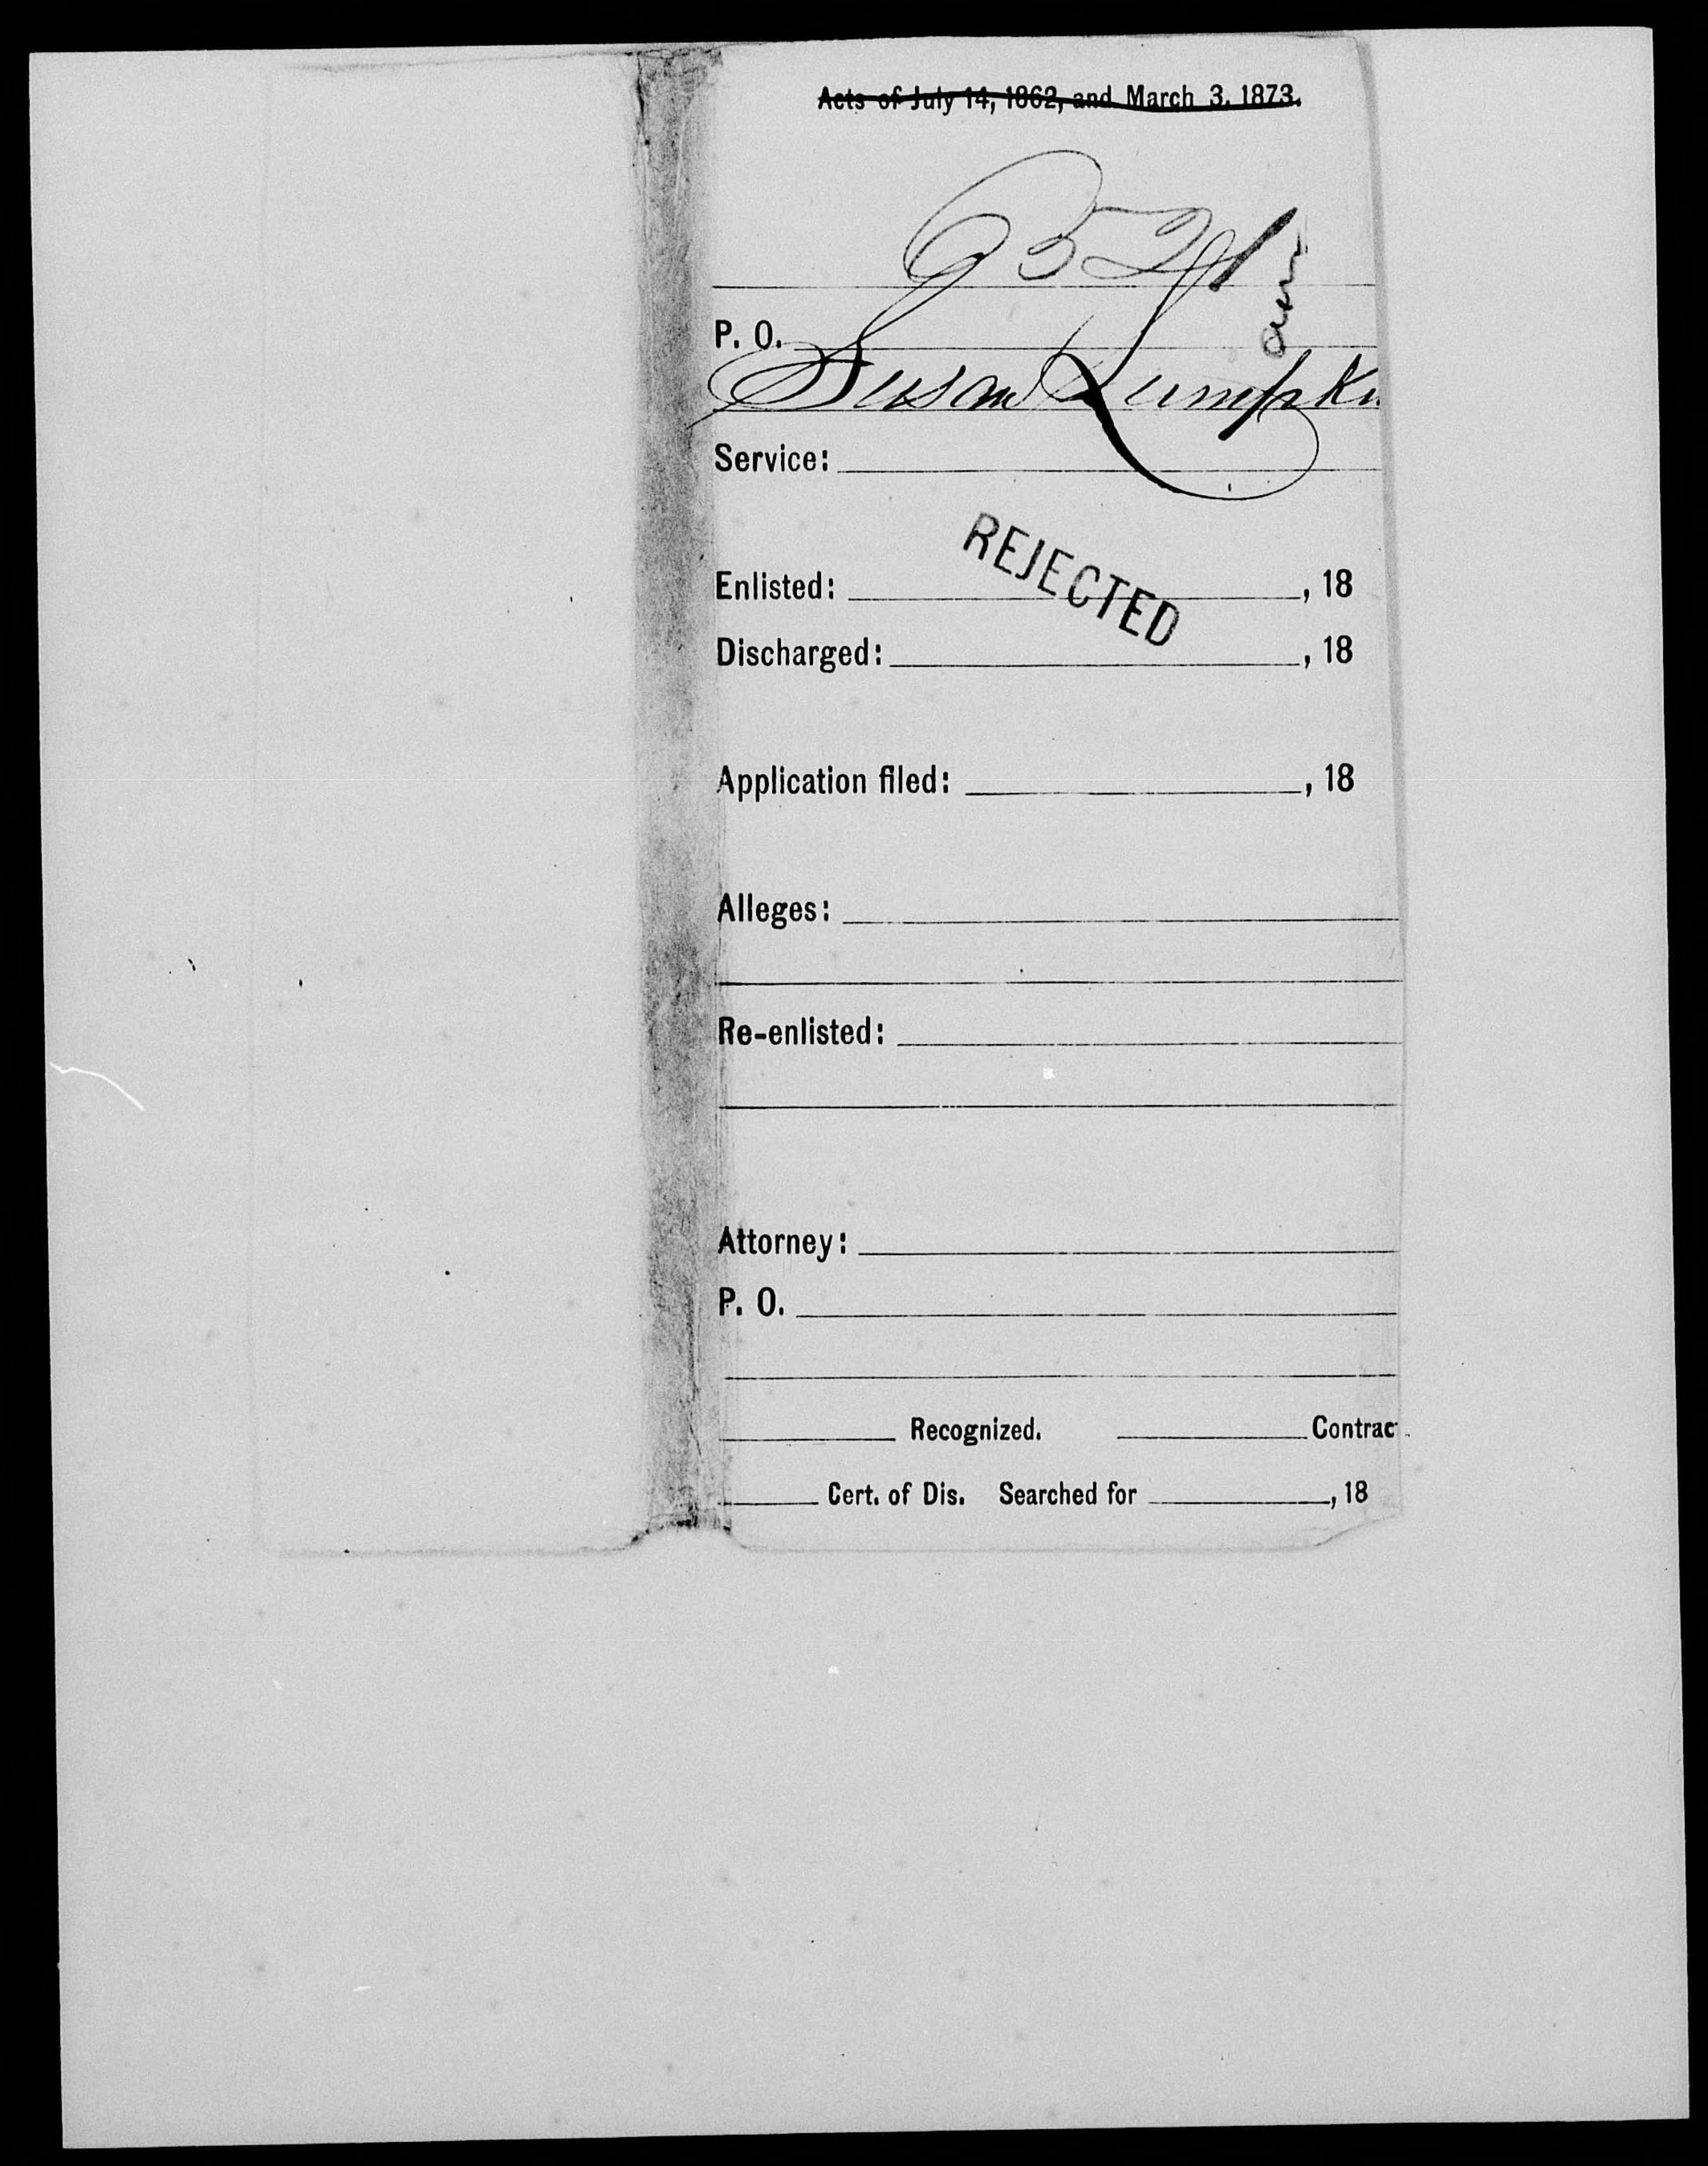(Printed document with handwritten responses)

(Crossed out: Acts of July 14, 1862, and March 3, 1873.)

6521
P.O. Susan Lumpkin
Service:
Enlisted (blank space), 18 (blank space),
(Stamped: REJECTED)
Discharged: (blank space), 18 (blank space),
Application filed: (blank space), 18 (blank space),
Alleges: (blank space)
Re-enlisted: (blank space)
Attorney:  (blank space)
P.O.  (blank space)
 (blank space) Recognized.  (blank space) Contrac
 (blank space) Cert. of Dis. Searched for (blank space), 18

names: Susan Lumpkin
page: 23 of 37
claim: rejected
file: R. 6521, for Dickeson Lumpkin, Pennsylvania